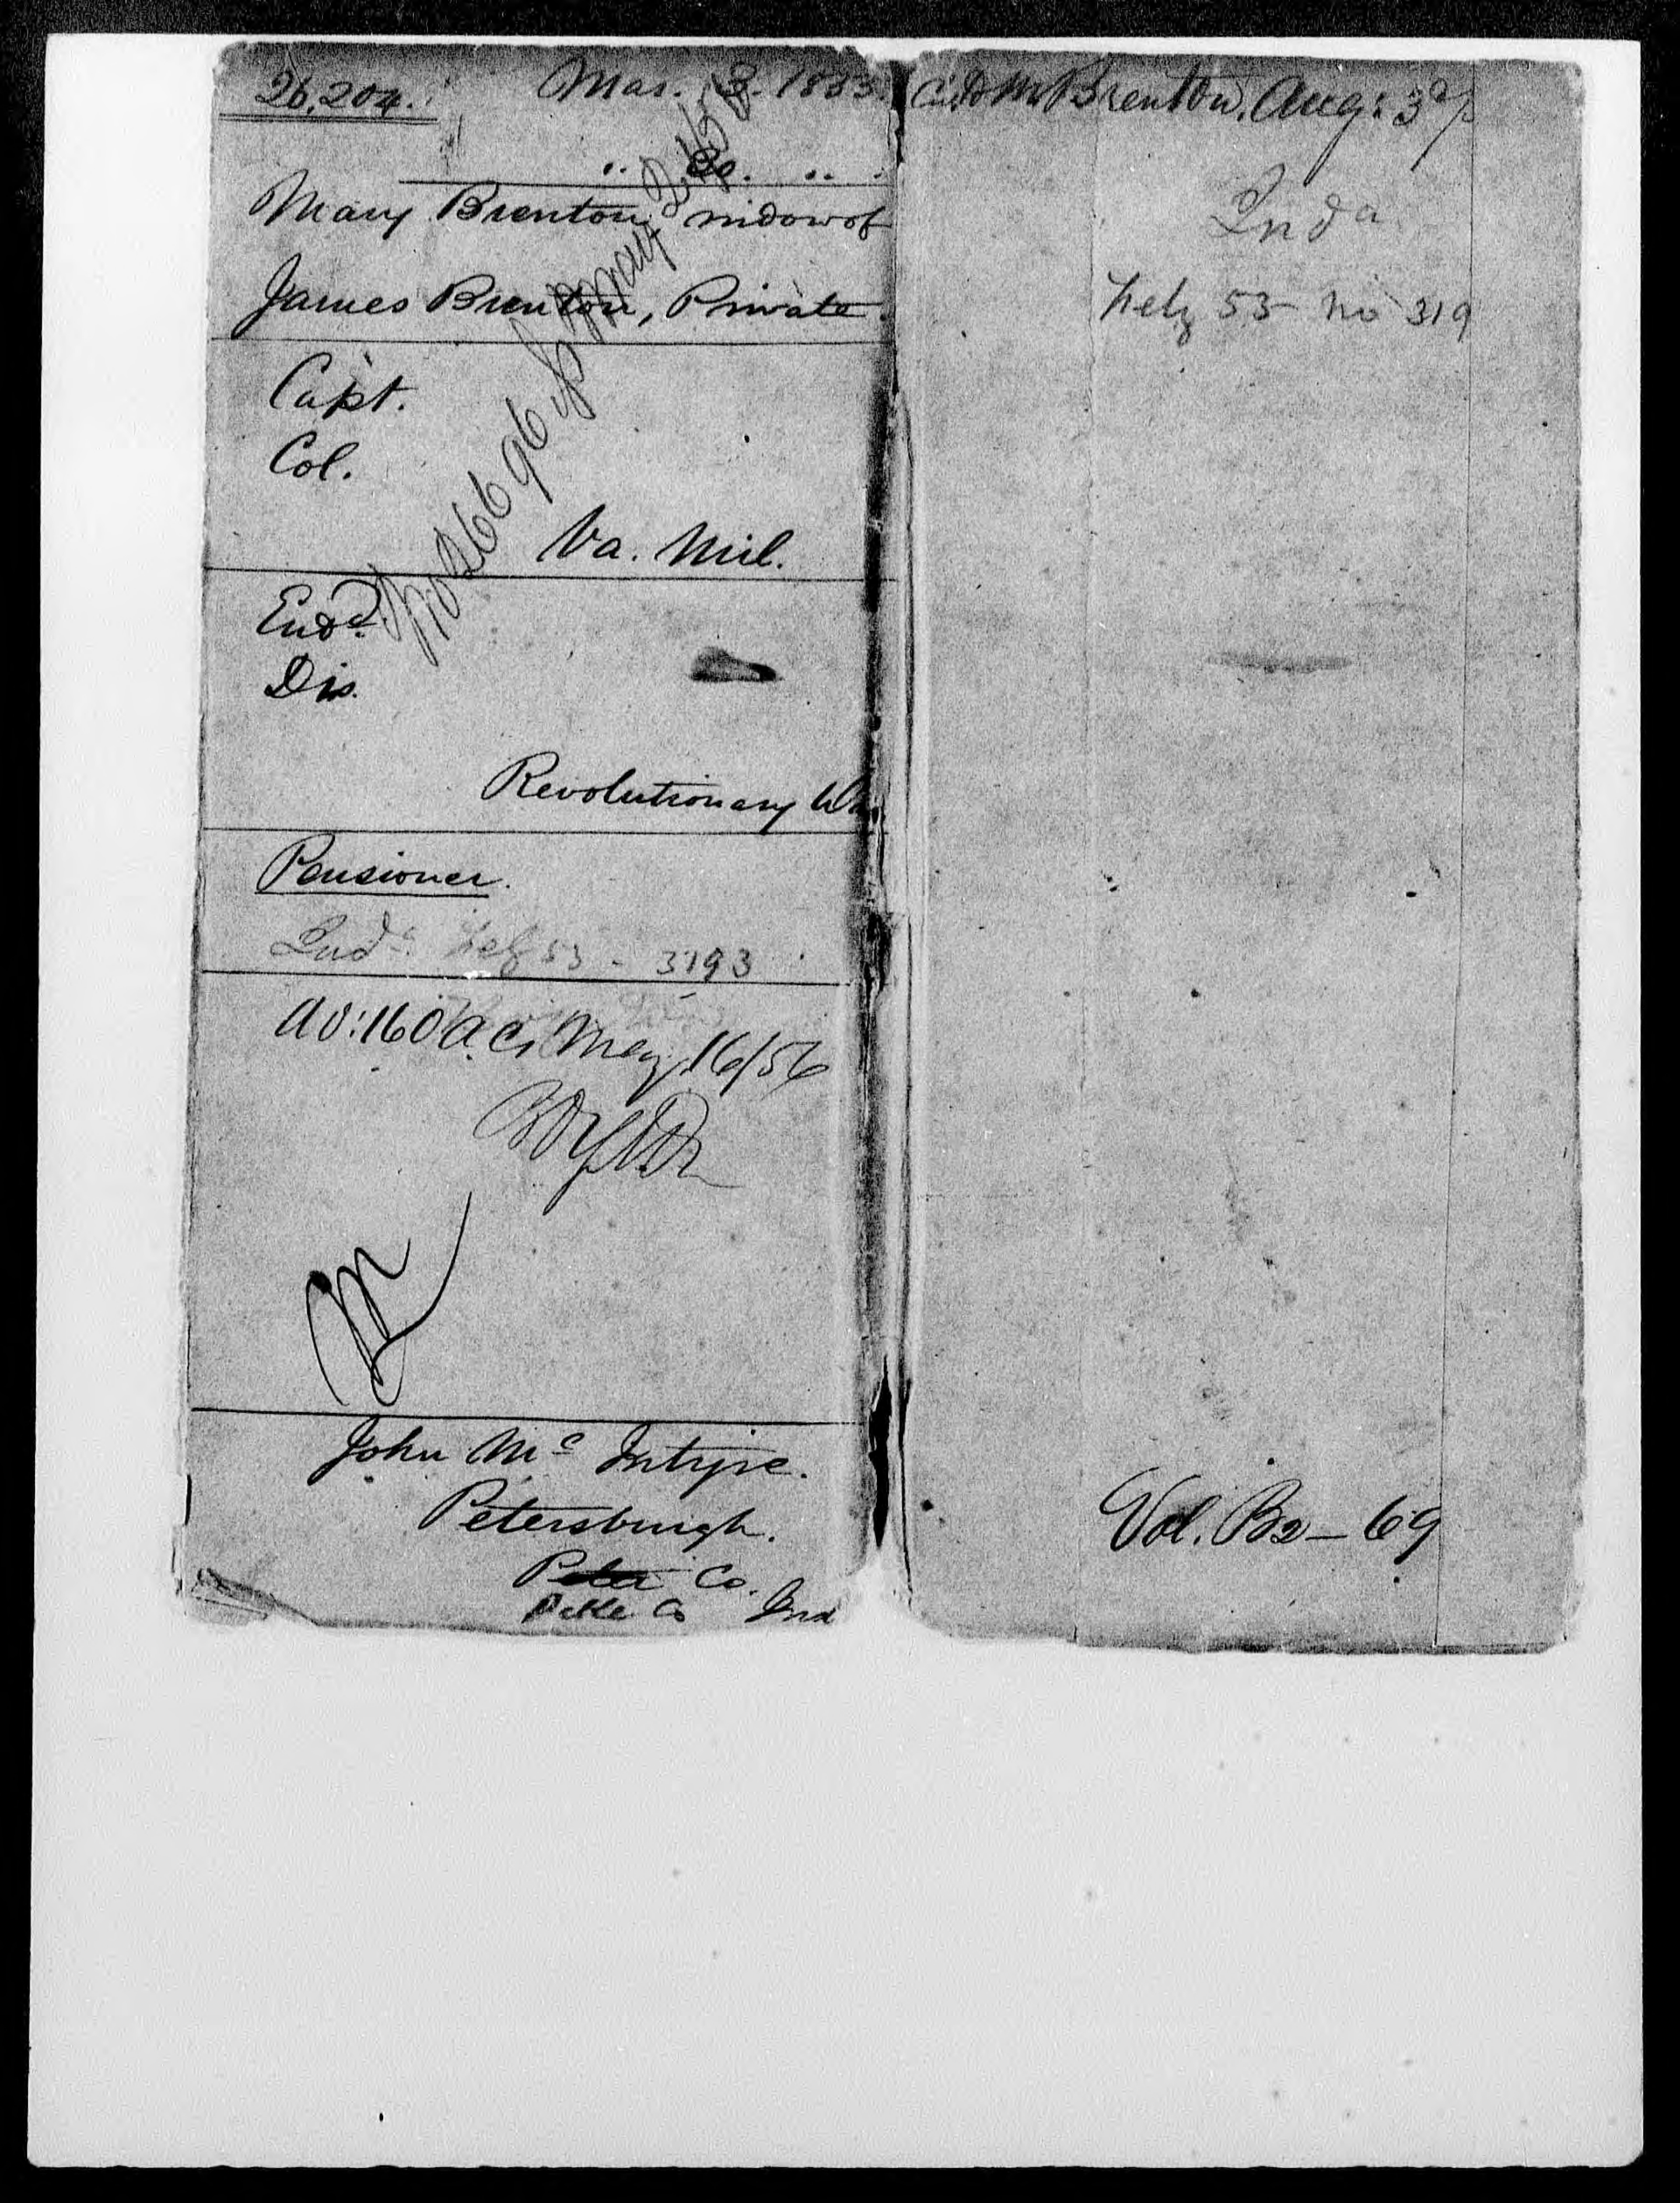[left side of document]
26.204 Mas. 3.1853
Mary Brenton, widow of James Brenton, Private
Capt. Col. Va. Mil.
Enod.
Dis. 
Revolutionary War
Pensioner
Ind. Lef 53 3793
A V: 160 A C Meq 16/56
[illegible signature]

John McIntyre
Petersburgh Pike Co Ind.

[right side of document]
M Brenton, Aug: 37
Ind
Nelz 53 -- No 319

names: James Brenton, John Mc Intyre, M Brenton, Mary Brenton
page: 4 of 49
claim: widow's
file: W. 2518, James Brenton, Va.